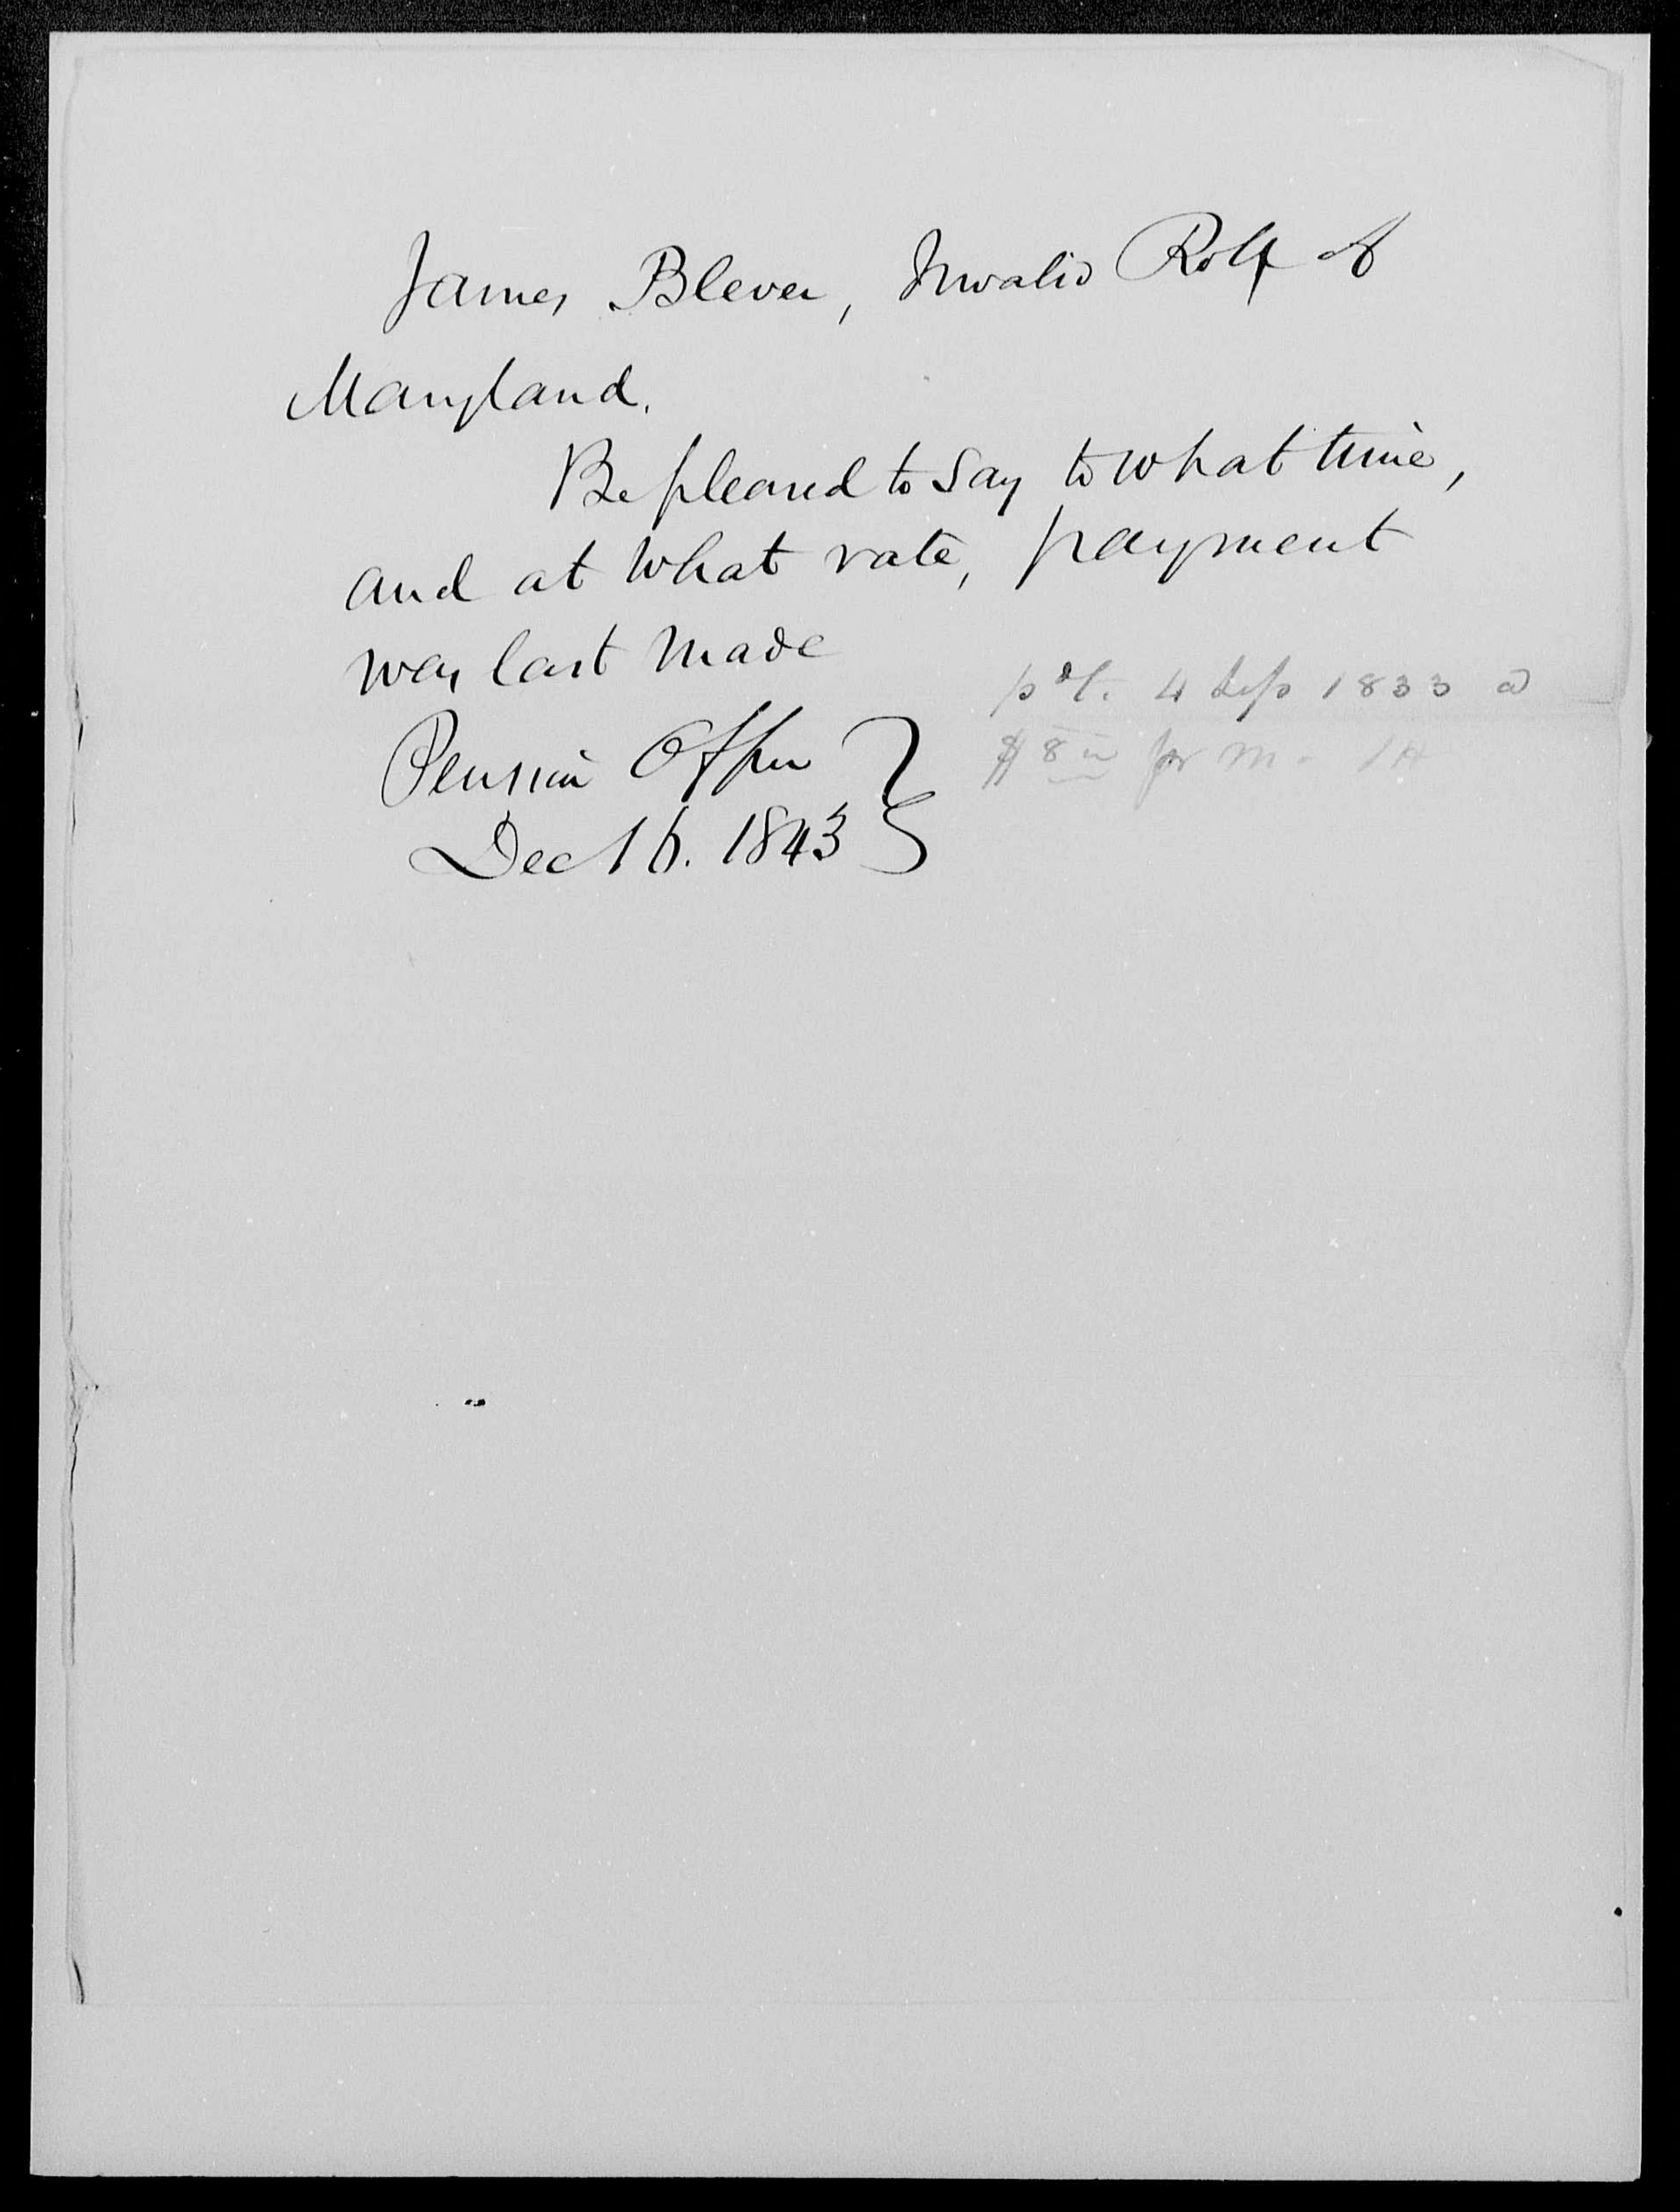James Blever, Invalid Roll of Maryland

Be pleased to say to what time and at what rate payment was last made.

Pension Office
Dec 16, 1843

Paid 4 Sept 1833 @ $8 per mo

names: James Blever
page: 20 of 30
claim: survivor's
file: S. 10093, James Blewer, Md.